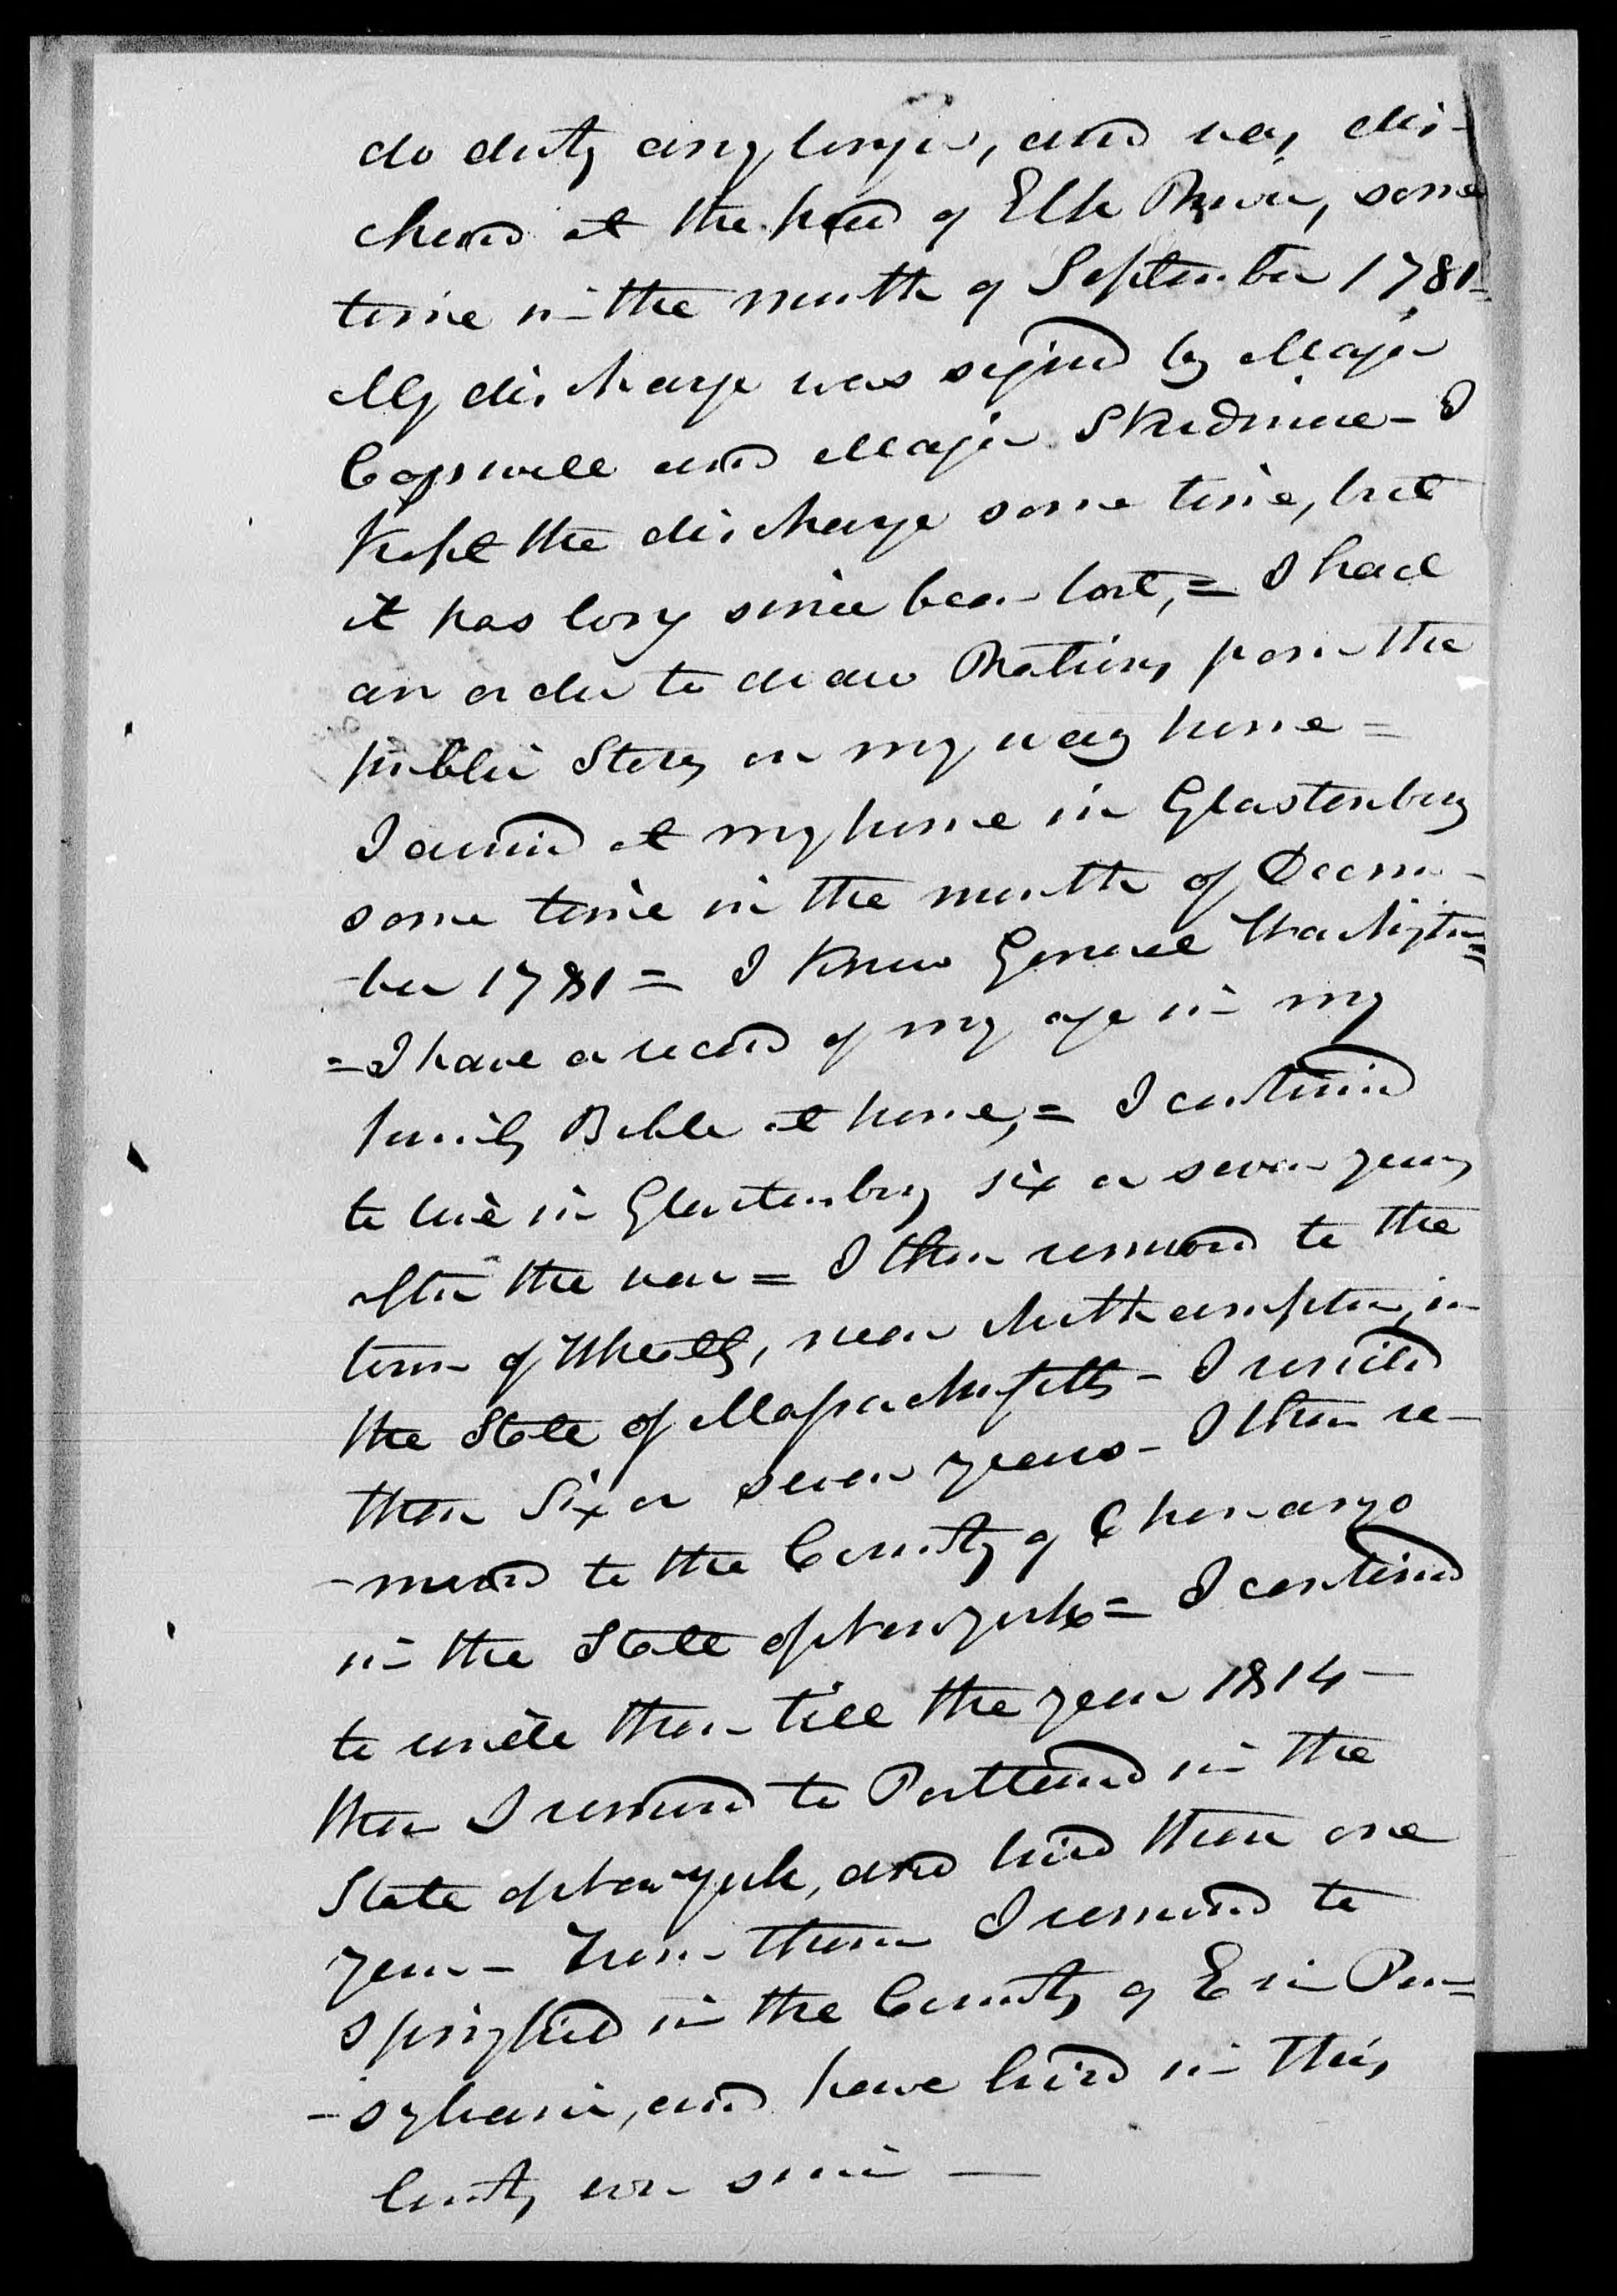do duty any longer and was discharged at the head of Elk River, sometime in the month of September 1781. My discharge was signed by Major Cogswell and Major Skidmore. I kept the discharge sometime but it has long since been lost. I had an order to draw rations from the public Stores on my way home. I arrived at my home in Glastenbury some time in the month of December 1781. I knew General Washington. I have a record of my age in my family Bible at home. I continued to live in Glastenbury six or seven years after the war, I then removed to the town of Wheats, near [unk] in the State of Massachusetts. I resided there six or seven years. I then removed to the County of Chenango in the State of New York. I continued to reside there till the year 1814, then I removed to [unk] in the State of New York, and lived there one year, from there I removed to Springfield in the County of Erie Pennsylvania, and have lived in this County ever since.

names: [BLANK] Washington; [BLANK] Cogswell; [BLANK] Skidmore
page: 4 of 13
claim: rejected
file: R 10420, for Martin Tayler, Connecticut